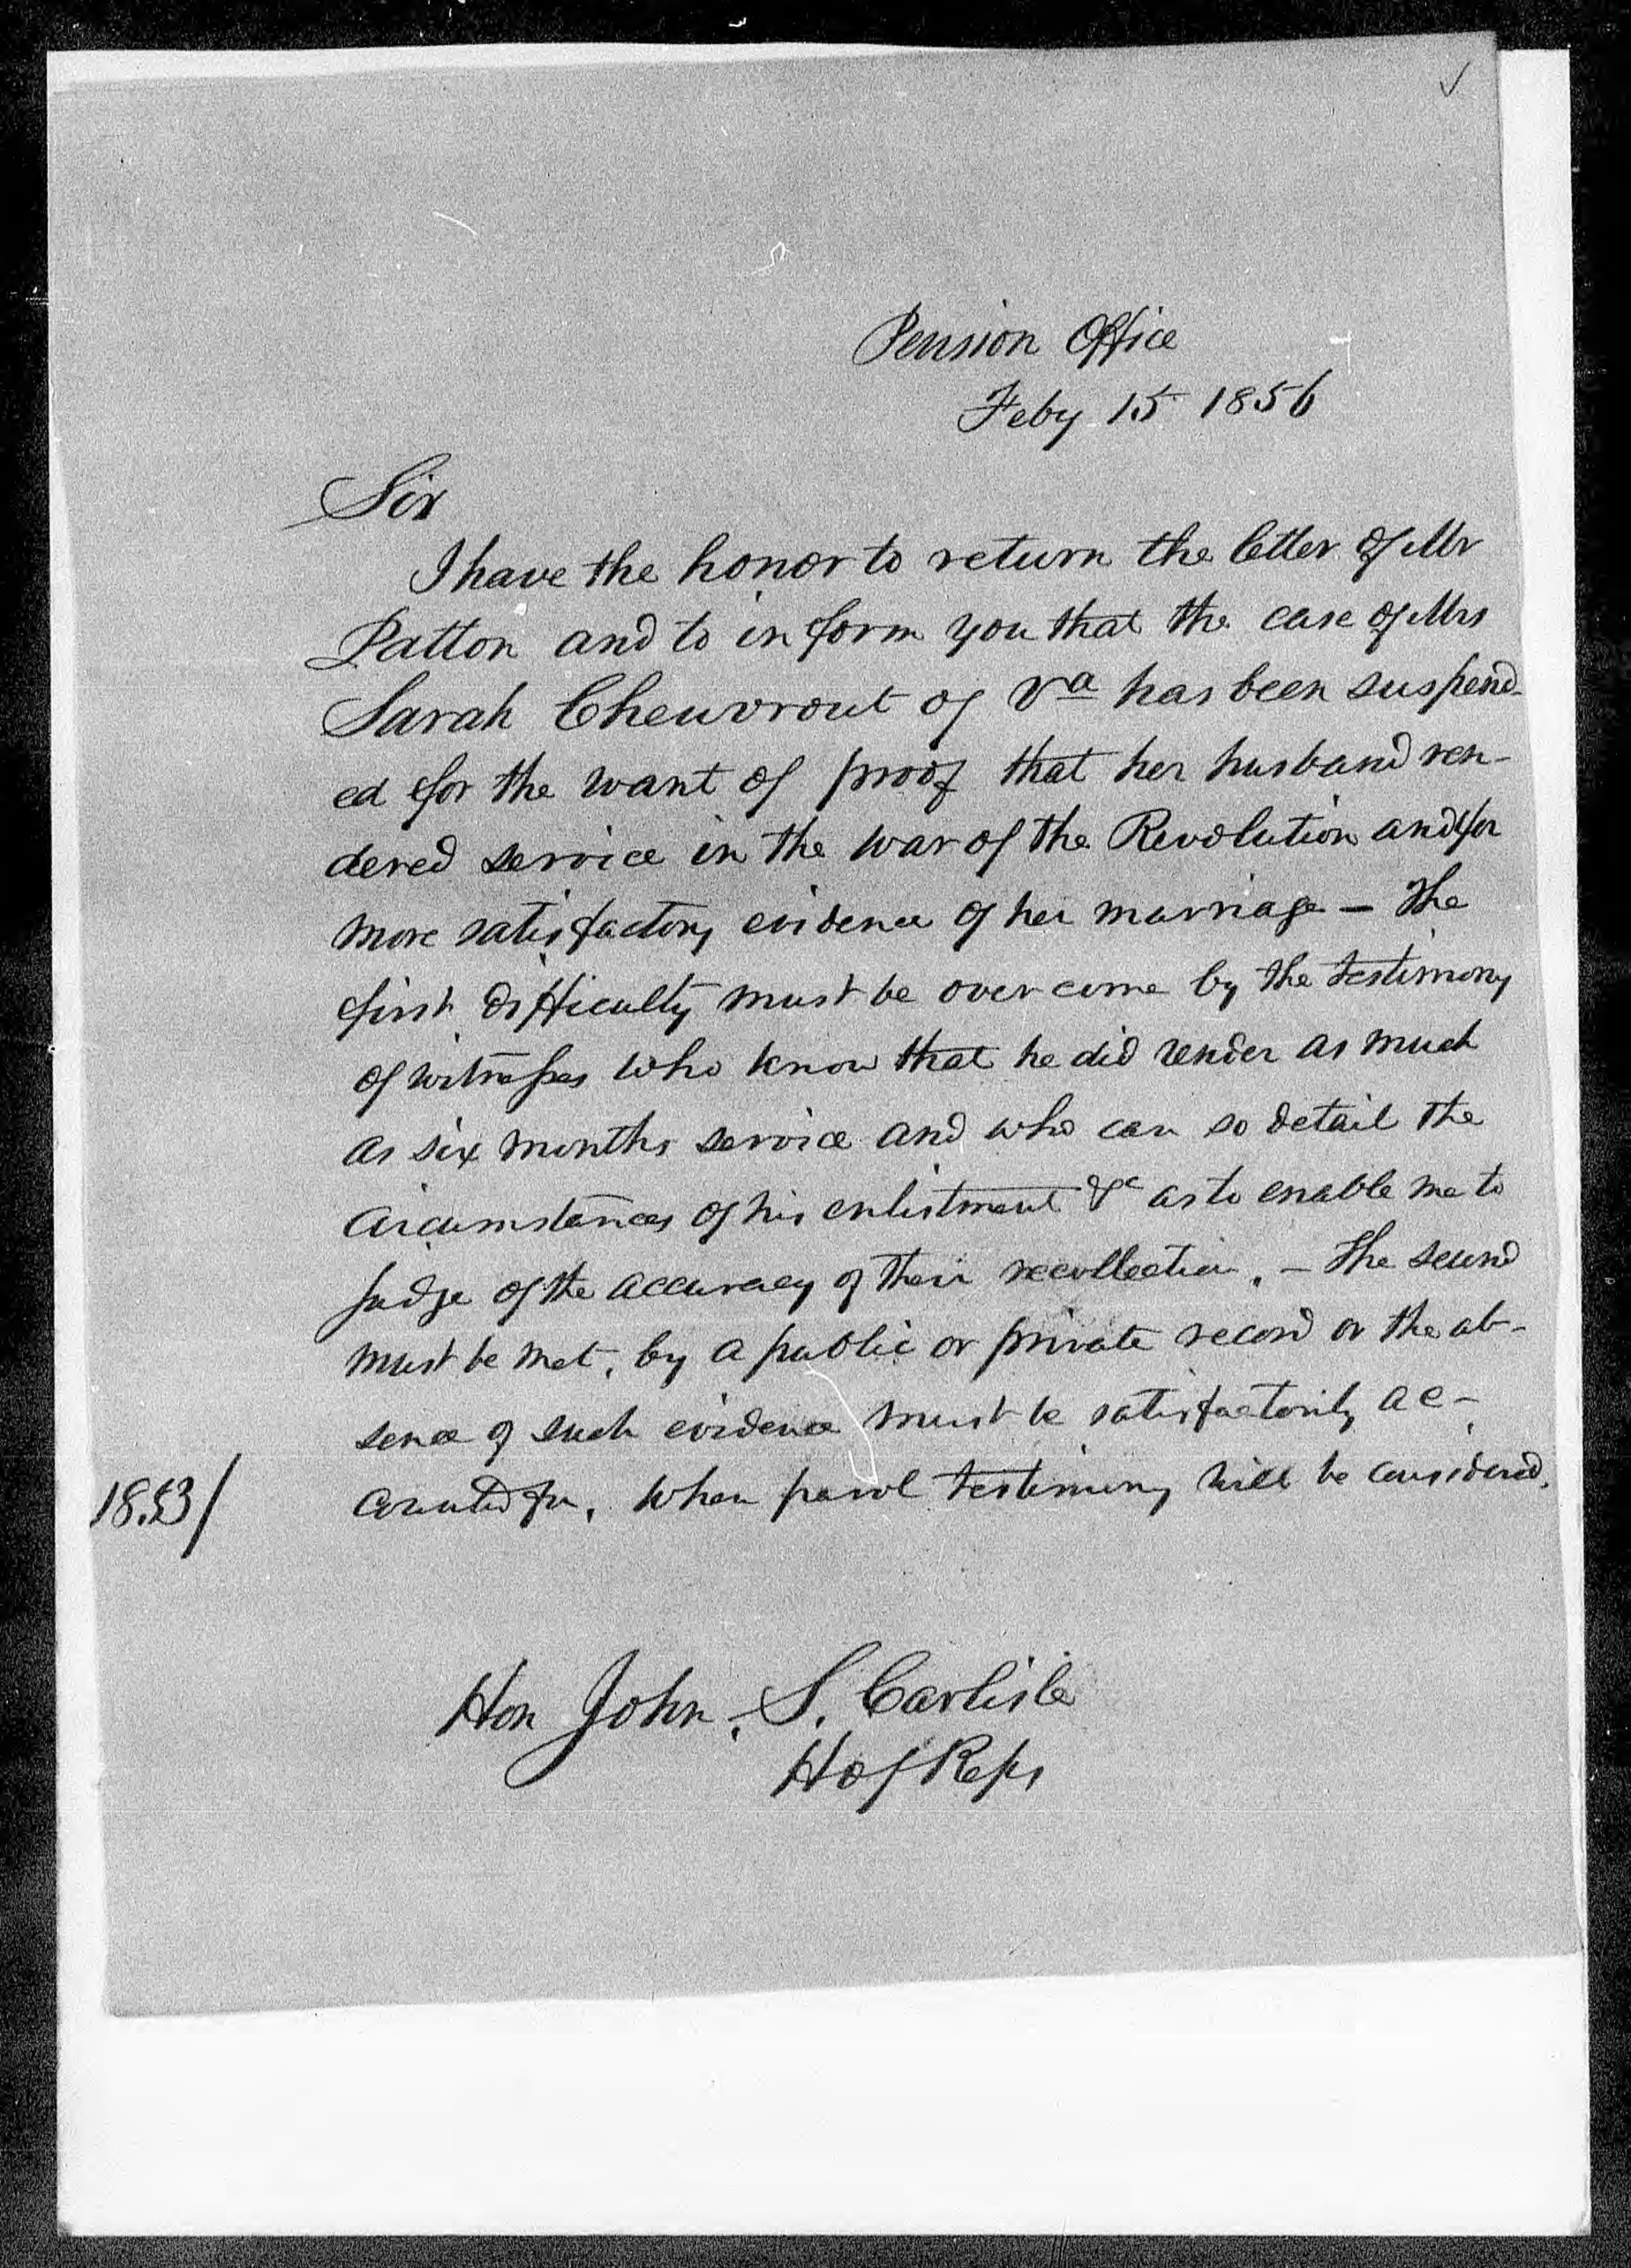Pension Office
Feby [February] 15 1856
Sir

I have the honor to return the letter of Mr Patton and to inform you that the case of Mrs Sarah Cheuvront of Va has been suspended for the want of proof that her husband rendered service in the war of the Revolution and for
more satisfactory evidence of her marriage. The first difficulty must be overcome by the testimony of witnesses who know that he did render as much as six [6] months service and who can so detail the circumstances of his enlistment & as to enable me to Judge of the accuracy of their recollection. The second must be met by a public or private record or the absence of such evidence must be satisfactorily accounted for, when [parol] testimony will be considered
Hon John S. Carlisle
H of Reps [House of Representatives]
1853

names: John S Carlisle, Patton, Sarah Cheuvront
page: 19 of 21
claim: rejected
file: R. 1,907, Joseph Cheuvront, Va.